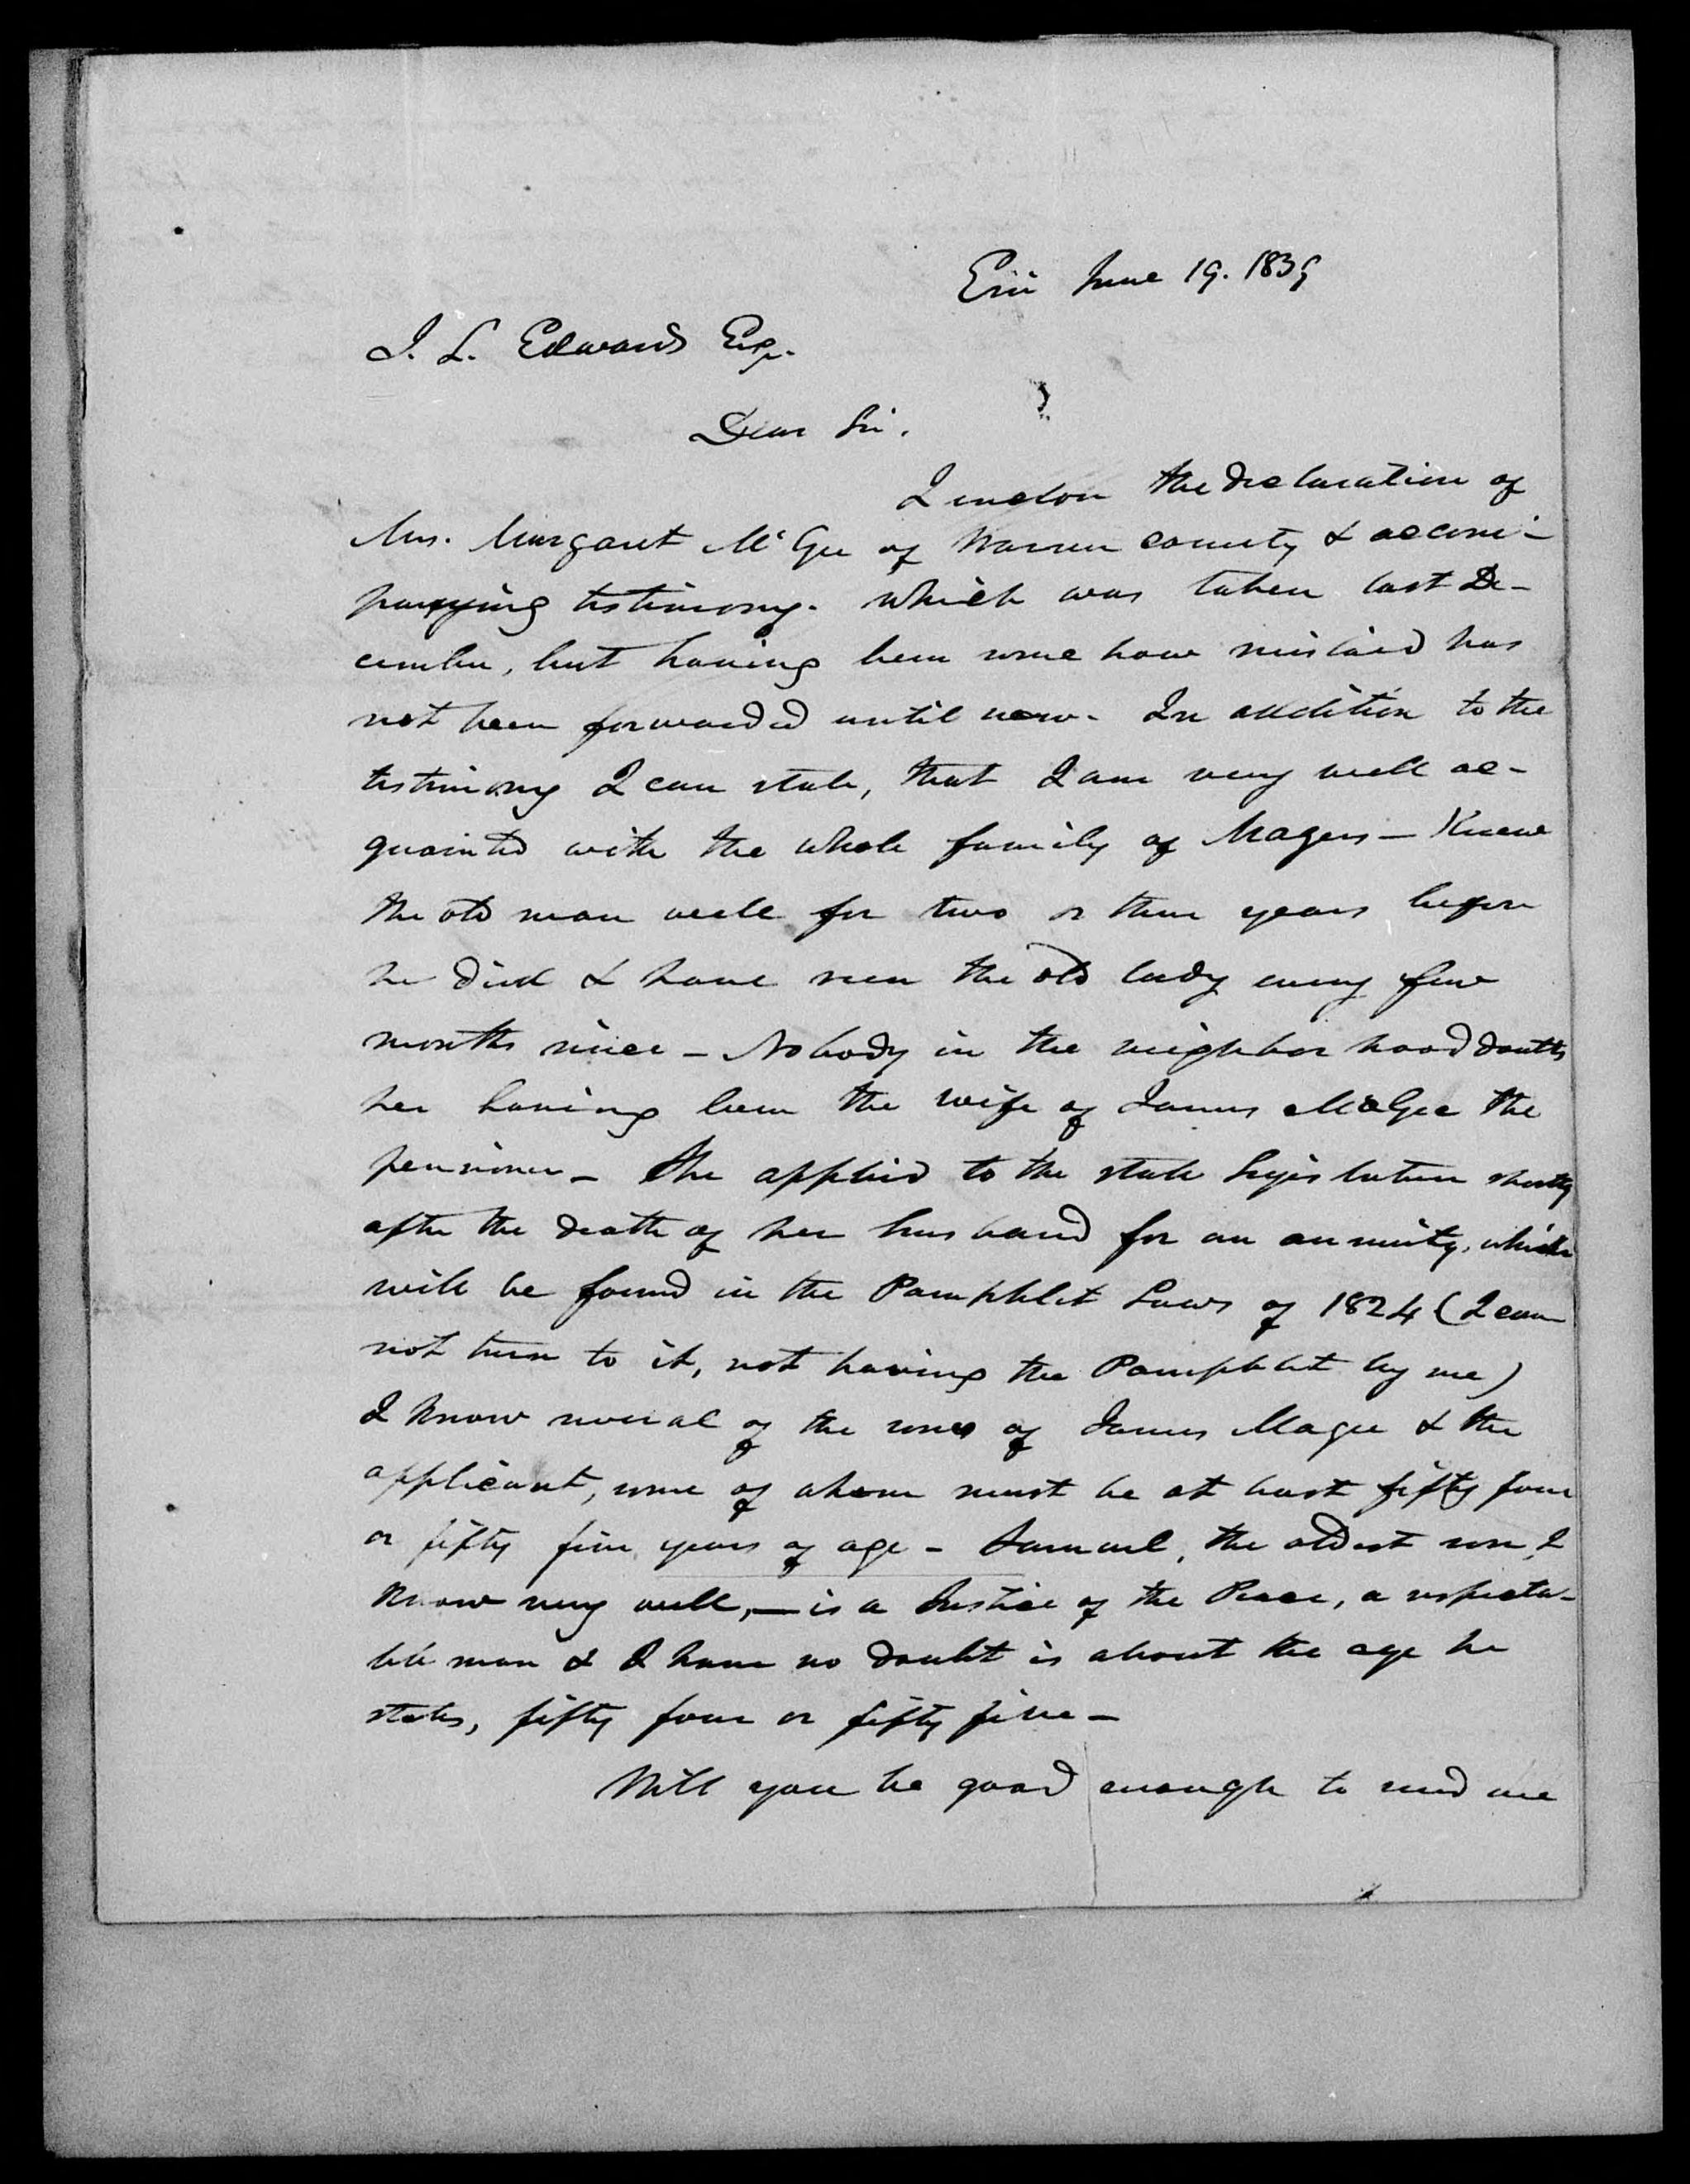Erie   June 19, 1839

J. L. Edward Esqr

Dear Sir

I enclose  the declaration of Mrs. Margaret McGee of Warren County & accompanying
 testimony which was taken last December, but having been some how mislaid has not been forwarded until now. In addition to the
testimony I can state, that I am very well acquainted with the whole family of McGee's- Knew the old man well for two or three years before he died & have seen the old lady every few months since. No body in the neighborhood doubts her having been the wife of James McGee the pensioner. She applied to the state Legislature  not long  after the death of her husband for an annuity which will be found in the Pamphlet Law of 1824 (I can  not turn to it, not having the Pamphlet by me), I know several of the lines of James McGee & the applicant, some of whom must be at last fifty four
or fifty five years of age.  Samuel the oldest son, I know very  well, is a Justice of the Peace, a respectable man & I have no doubt is about the age he states, fifty four or fifty five -

Will you be good enough to aid me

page: 26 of 77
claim: widow's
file: W 2954, for James Mc Gee, Delaware